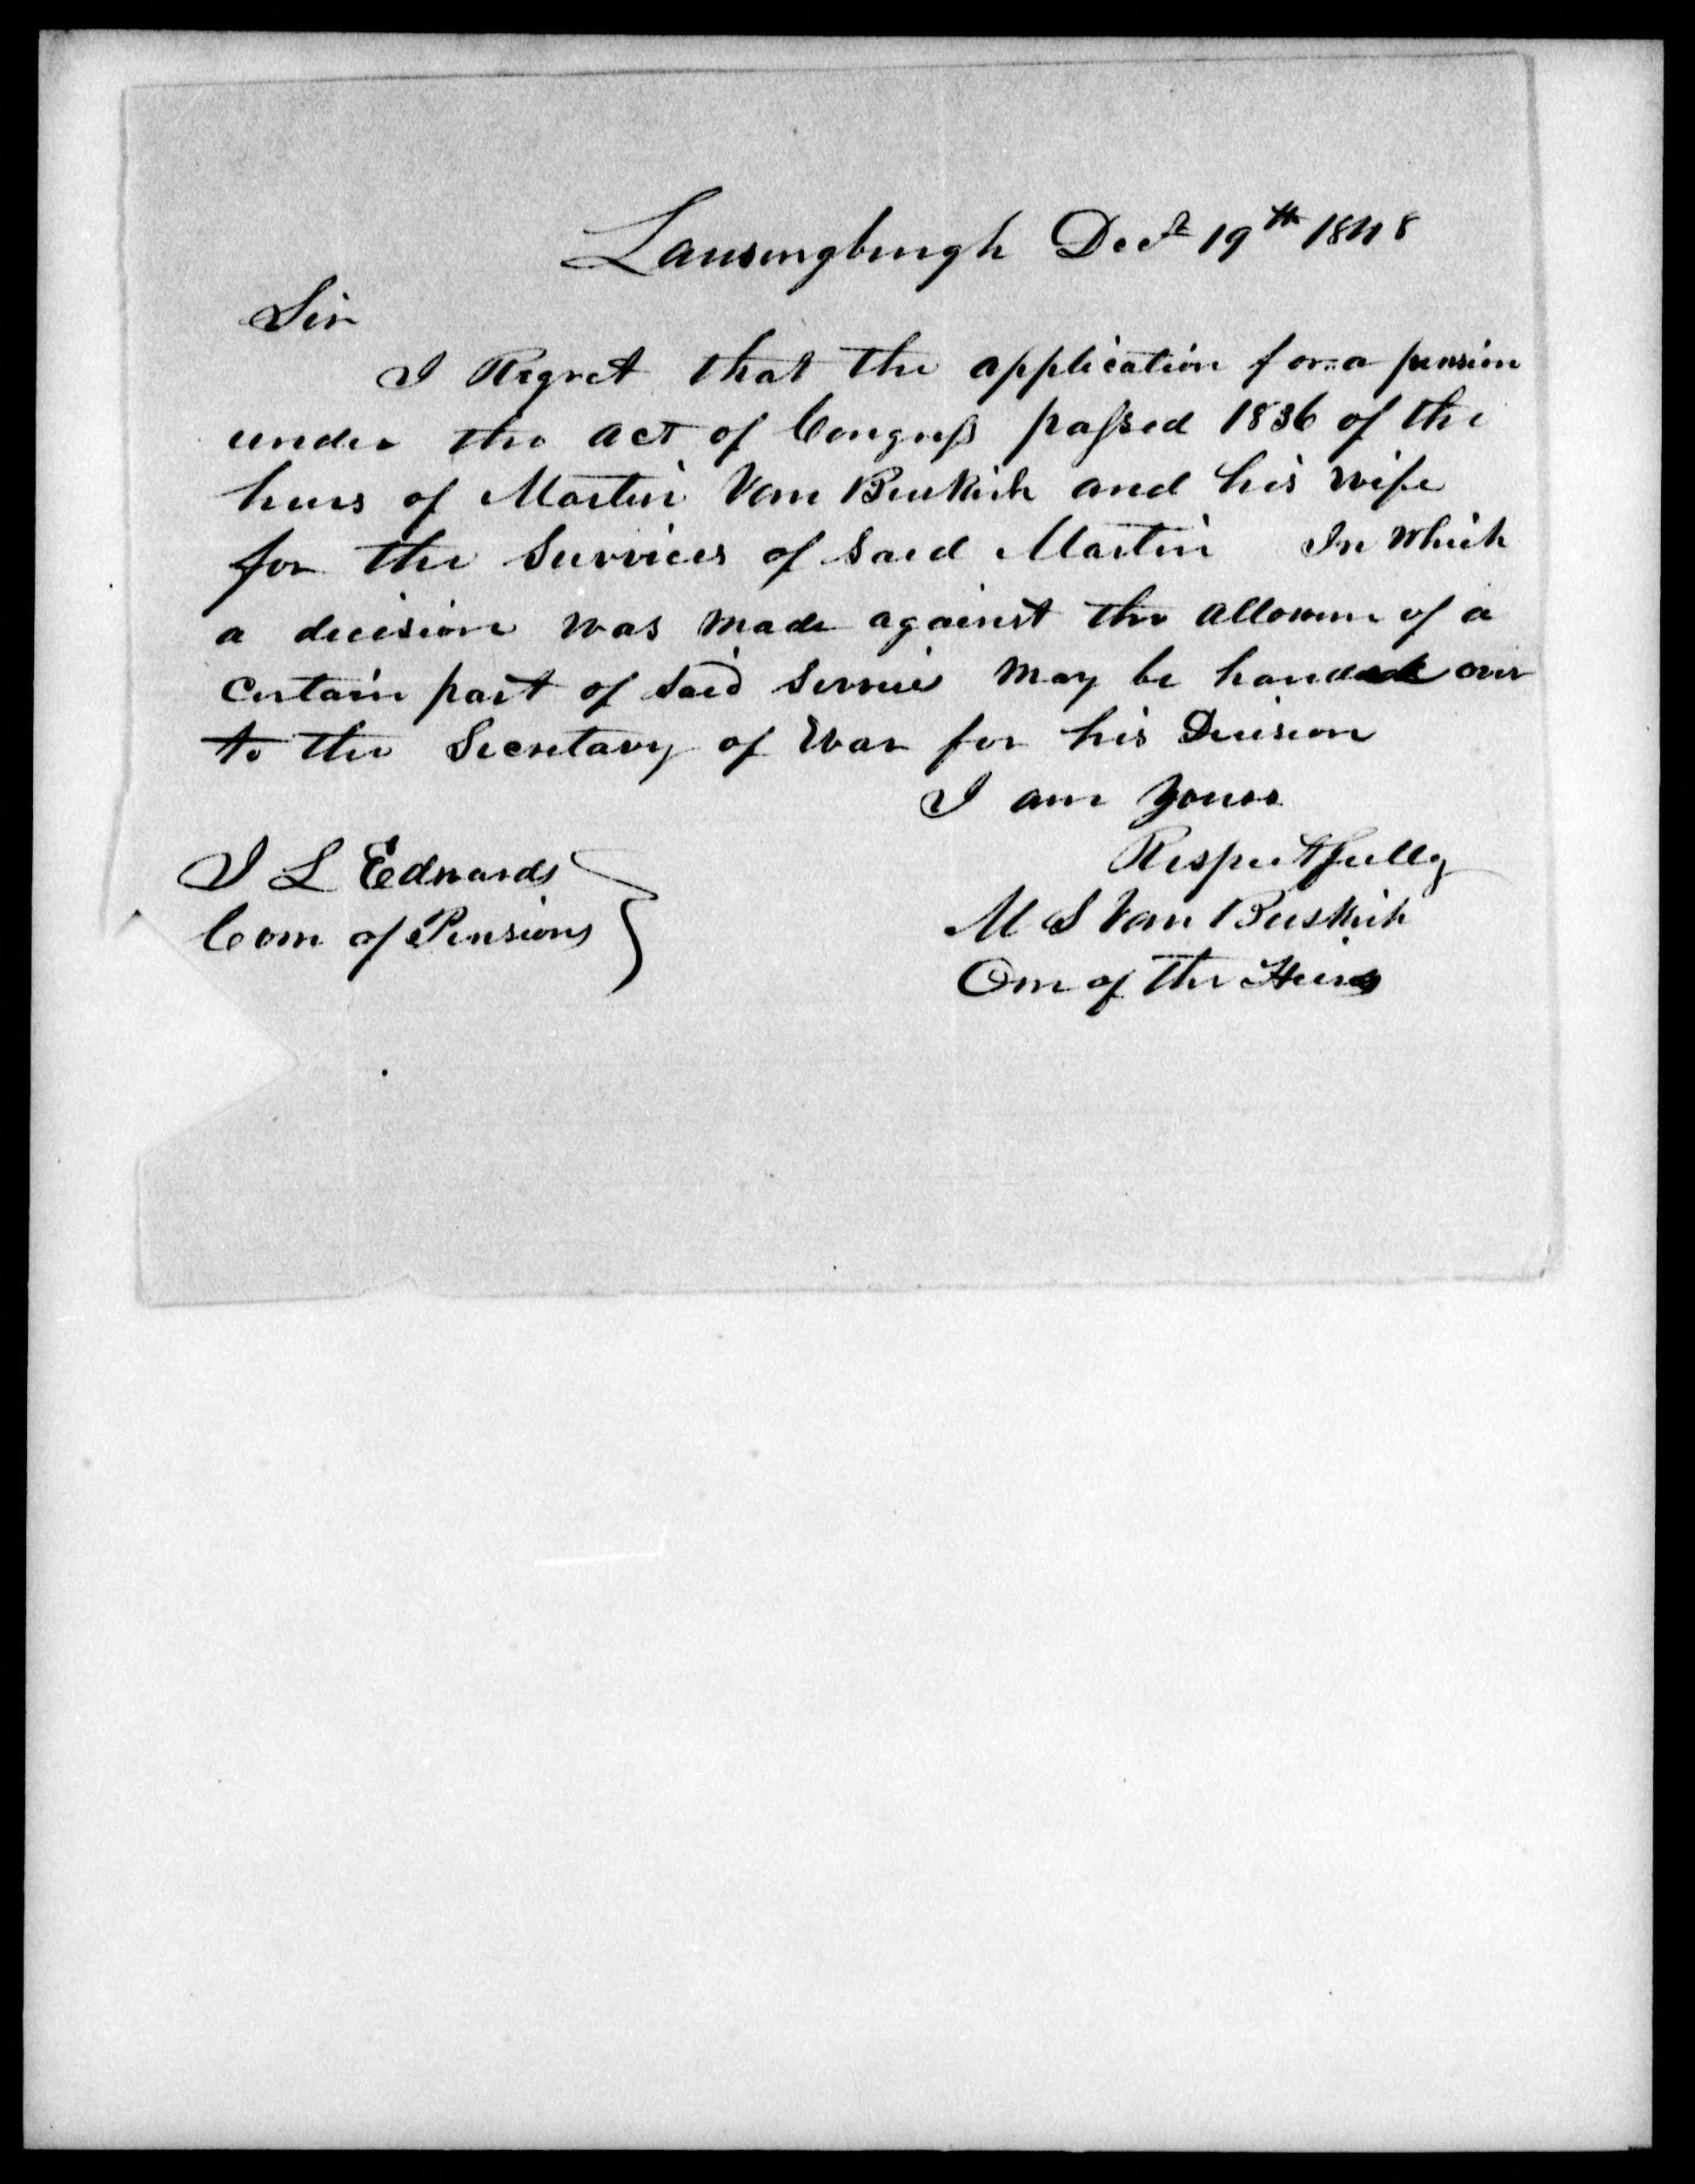Lansingburgh Decr 19th 1848

Sir
I regret that the application for a pension under the act of Congress passed 1836 of the heirs of Martin Van Buskirk and his wife for the services of said Martin In which a decision was made against the allowing of a certain part of said service may be handed over to the Secretary of War for his decision

I am yours Respectfully
M S Van Buskirk
One of the Heirs

J L Edwards
Com of Pensions }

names: J L Edwards, Martin Van Buskirk, Martin, M S Van Buskirk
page: 23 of 70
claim: rejected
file: R. 10,832, Martin Van Buskirk, New York.